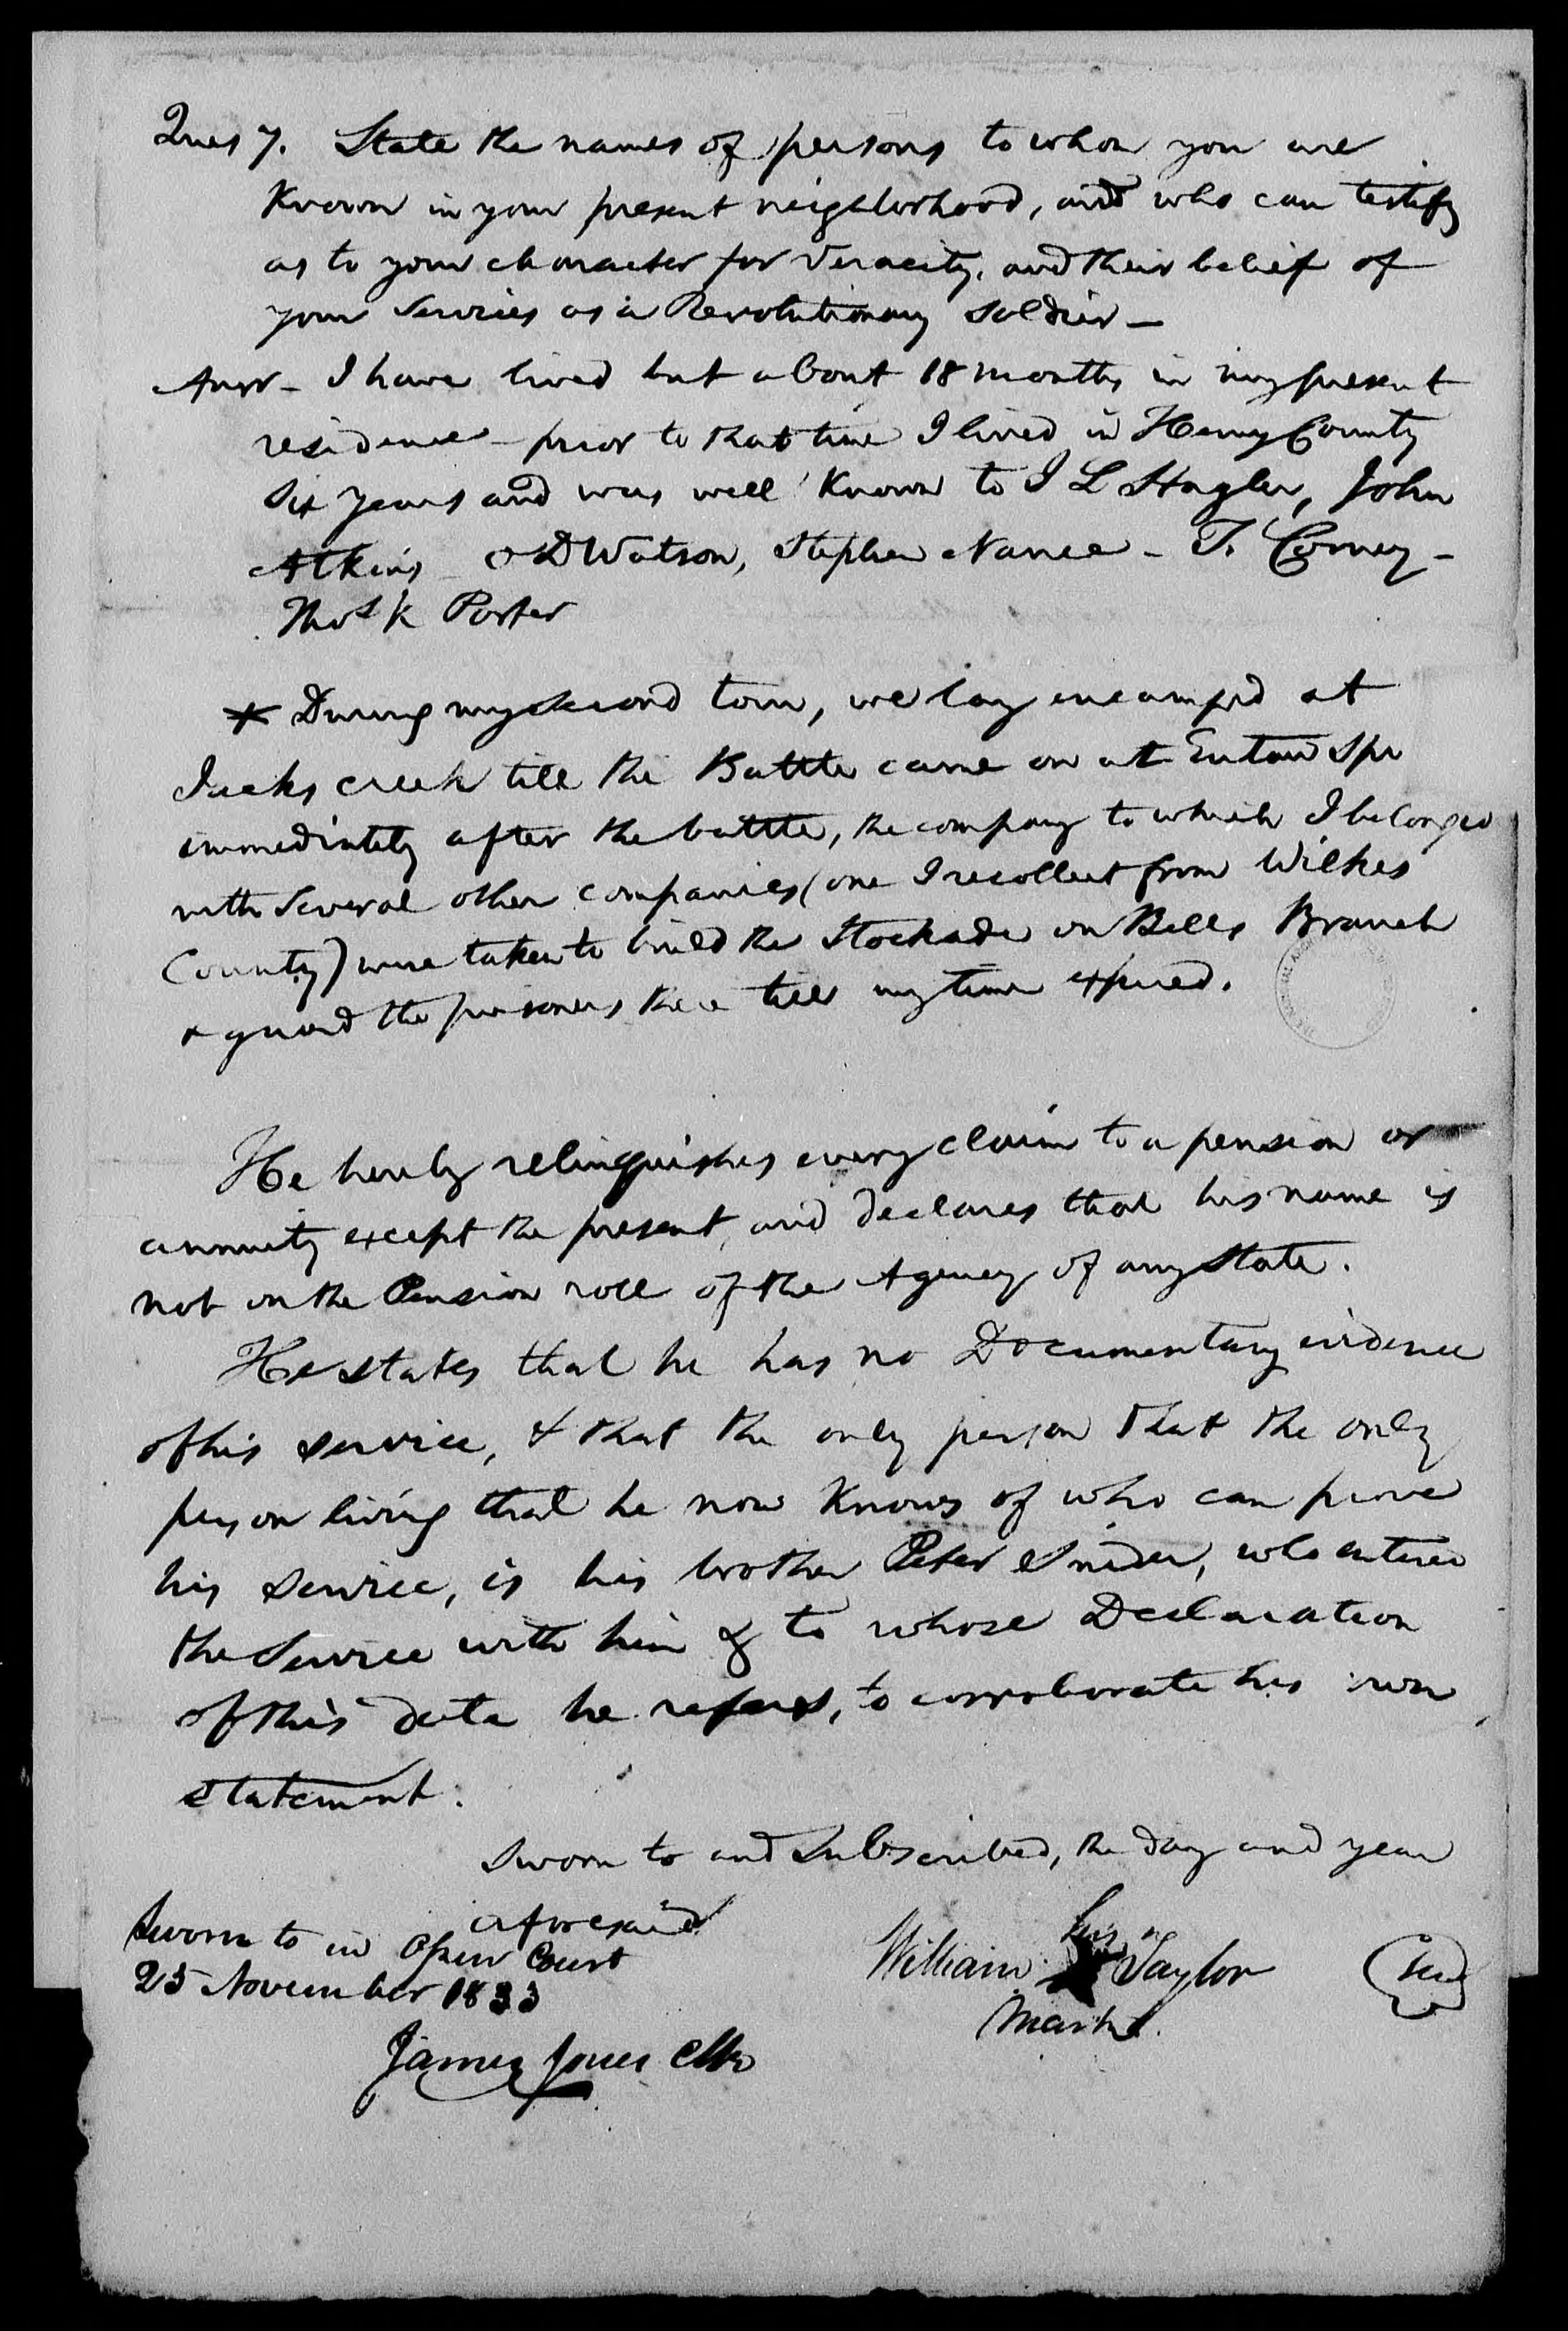Ques 7. State the names of persons to whom you are known in your present neighborhood, and who can testify as to your character for veracity, and their belief of your services as a Revolutionary soldier. Ans. I have lived but about 18 months in my present residence - prior to that time I lived in Henry County six years and was well known to J L Hagler, John Atkins, O D Watson, Stephen Nance. T. Corney, Thos K Porter

* [insert for prior image] During my second tour, we lay encamped at Jacks Creek till the Battle came on at Eutaw Springs immediately after the battle, the company to which I belonged with several other companies (one I recollect from Wilkes County) were taken to build the Stockade on Bells Branch & guard the prisoners there till my time expired.
[stamp] THE NATIONAL ARCHIVES OF THE UNITED STATES

He hereby relinquishes every claim to a pension or annuity except the present, and declares that his name not on the Pension roll of the Agency of any State.
He states that he has no documentary evidence of his service, & that the only person that the only person living that he now knows of who can prove his service, is his brother Peter Snider, who entered the service with him & to whose declaration of this duty he refers to corroborate his own statement.
Sworn to and subscribed, the day and year aforesaid.
William Taylor his mark X
Sworn to in Open Court 25 November 1833
James Jones Clk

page: 8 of 33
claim: rejected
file: R 10439, for William Taylor, North Carolina